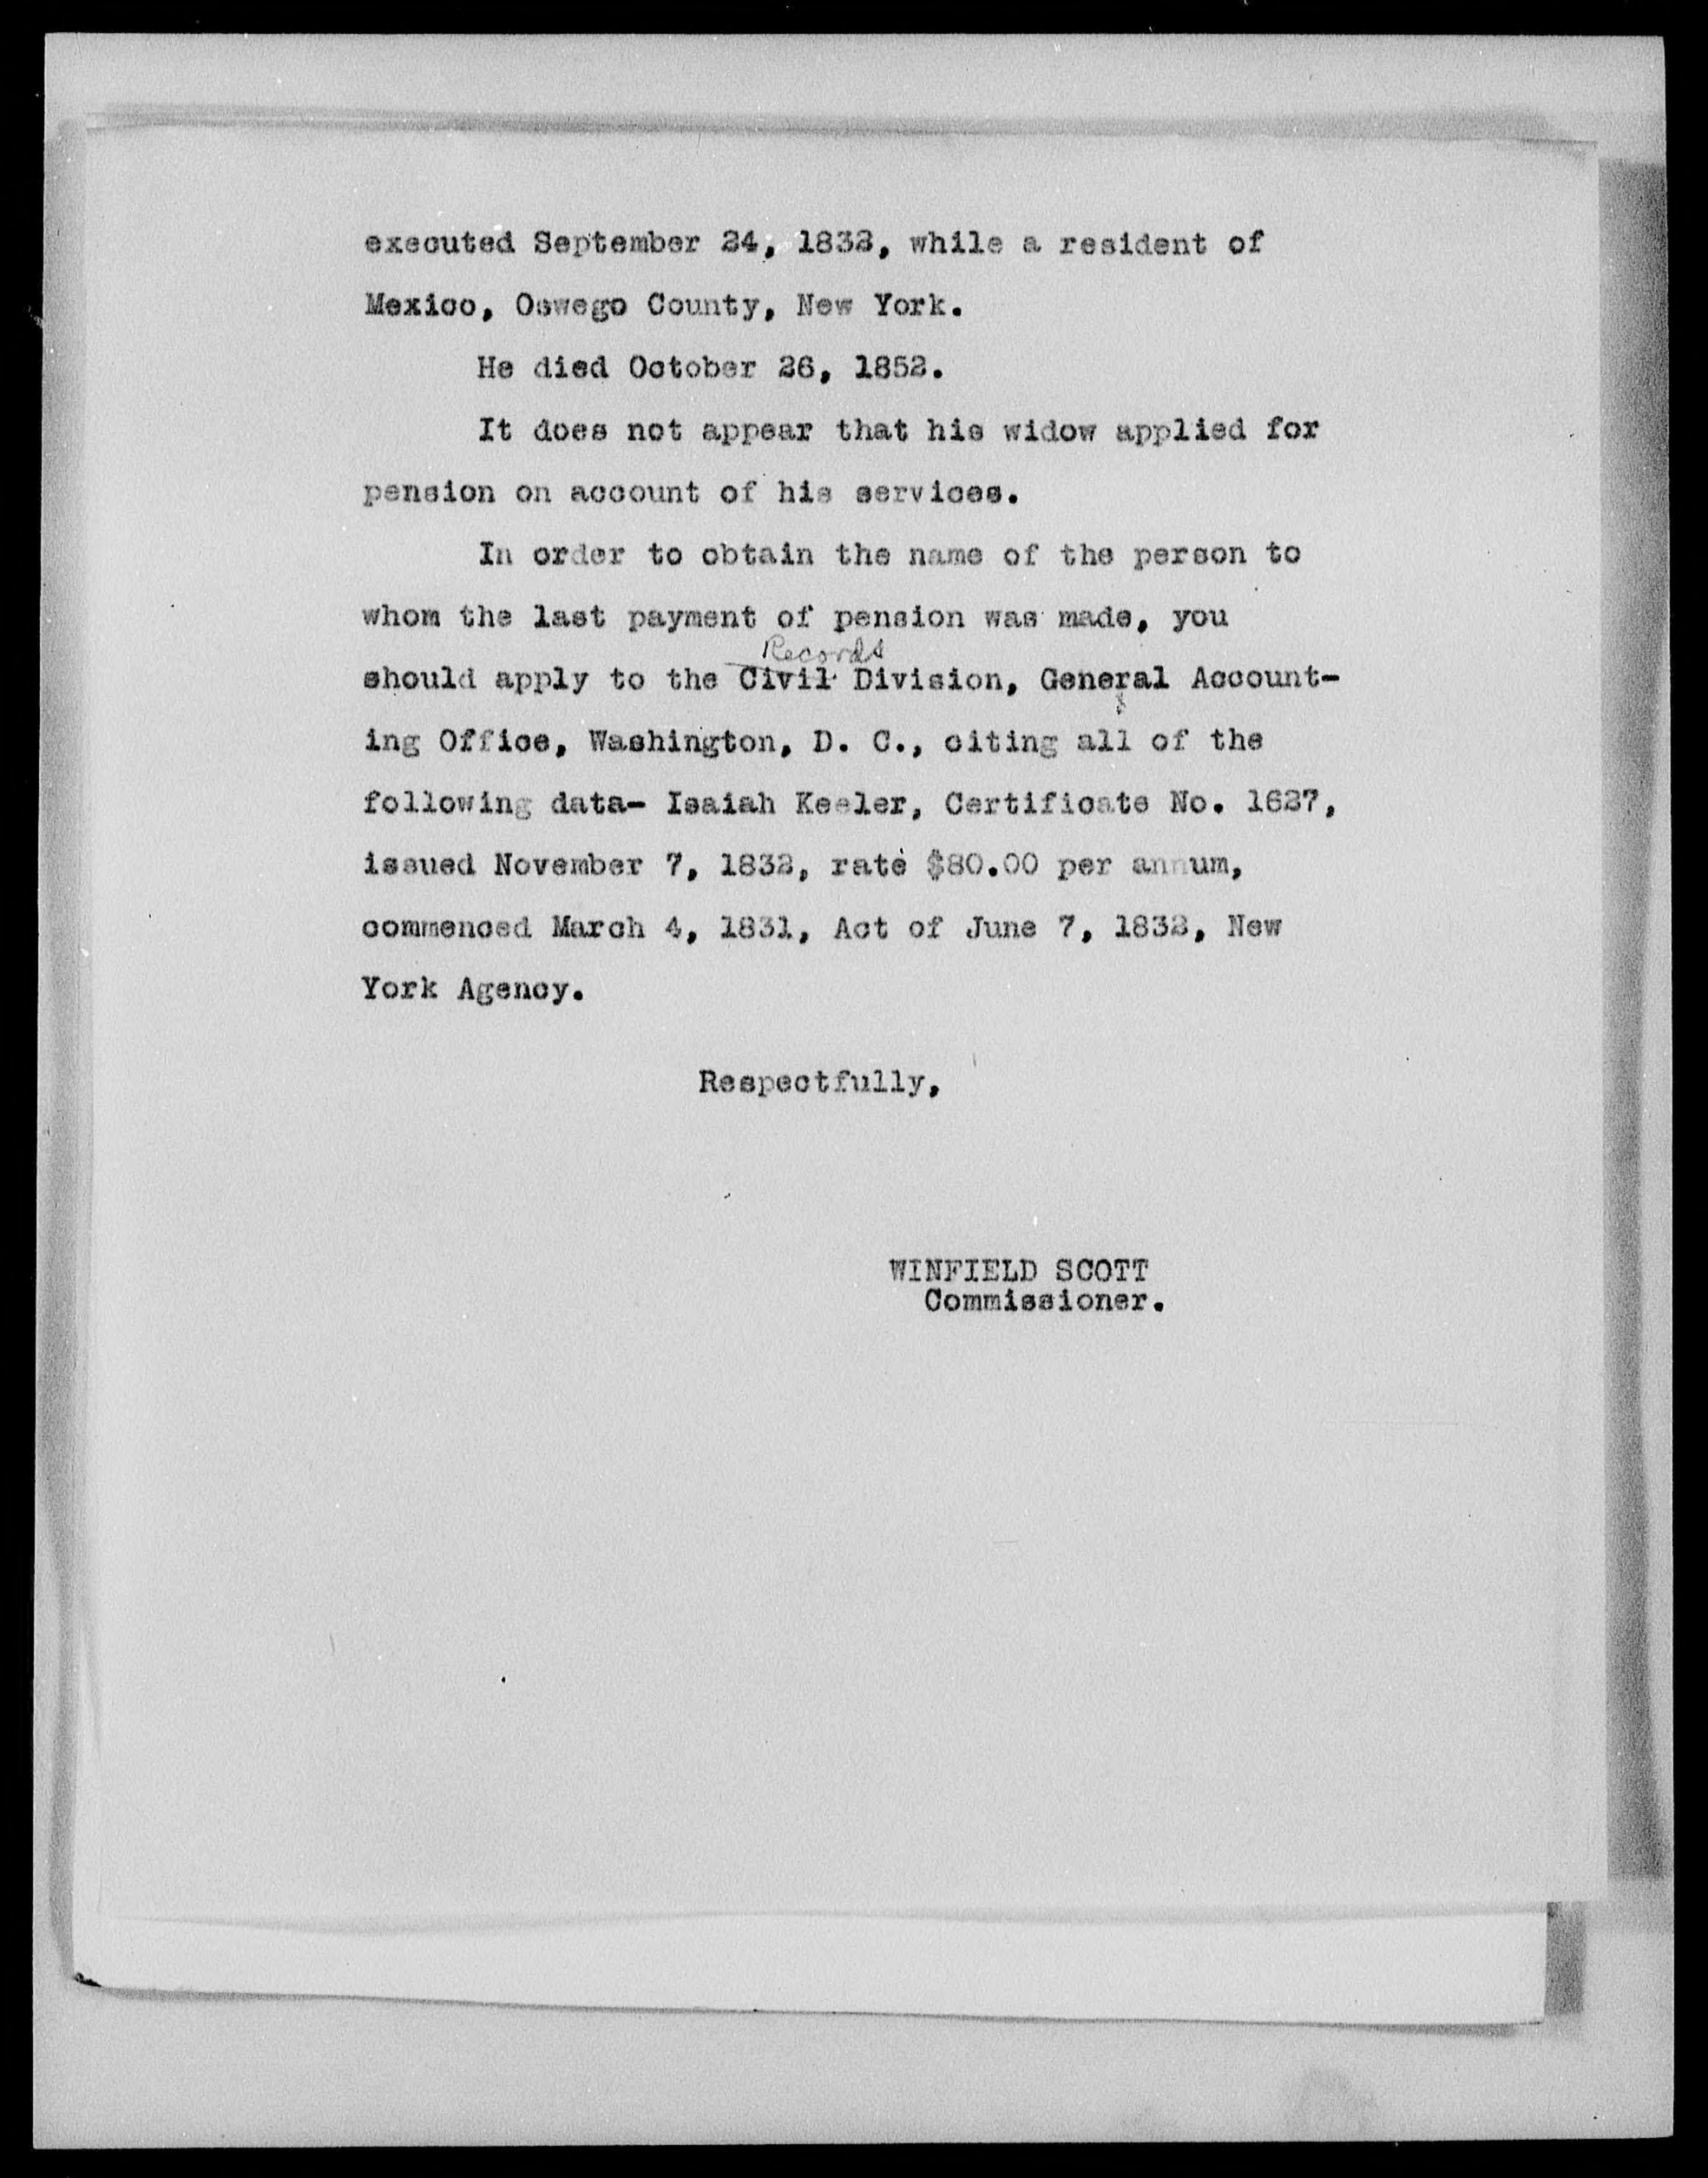executed September 24, 1833, while a resident of
Mexico, Oswego County, New York.
He died October 26, 1852.
It does not appear that his widow applied for
pension on account of his services.
In order to obtain the name of the person to
whom the last payment of pension was made, you
should apply to the Civil Records Division, General Accounting
Office, Washington, D.C., citing all of the
following data--Isaiah Keeler, Certificate No. 1627,
issued November 7, 1832, rate $80.00 per annum,
commenced March 4, 1831, Act of June 7, 1832, New York
Agency.
Respectfully,
WINFIELD SCOTT
Commissioner.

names: Winfield Scott; Isaiah Keeler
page: 17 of 26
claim: survivor's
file: S. 13,625, for Isaiah Keeler, New York